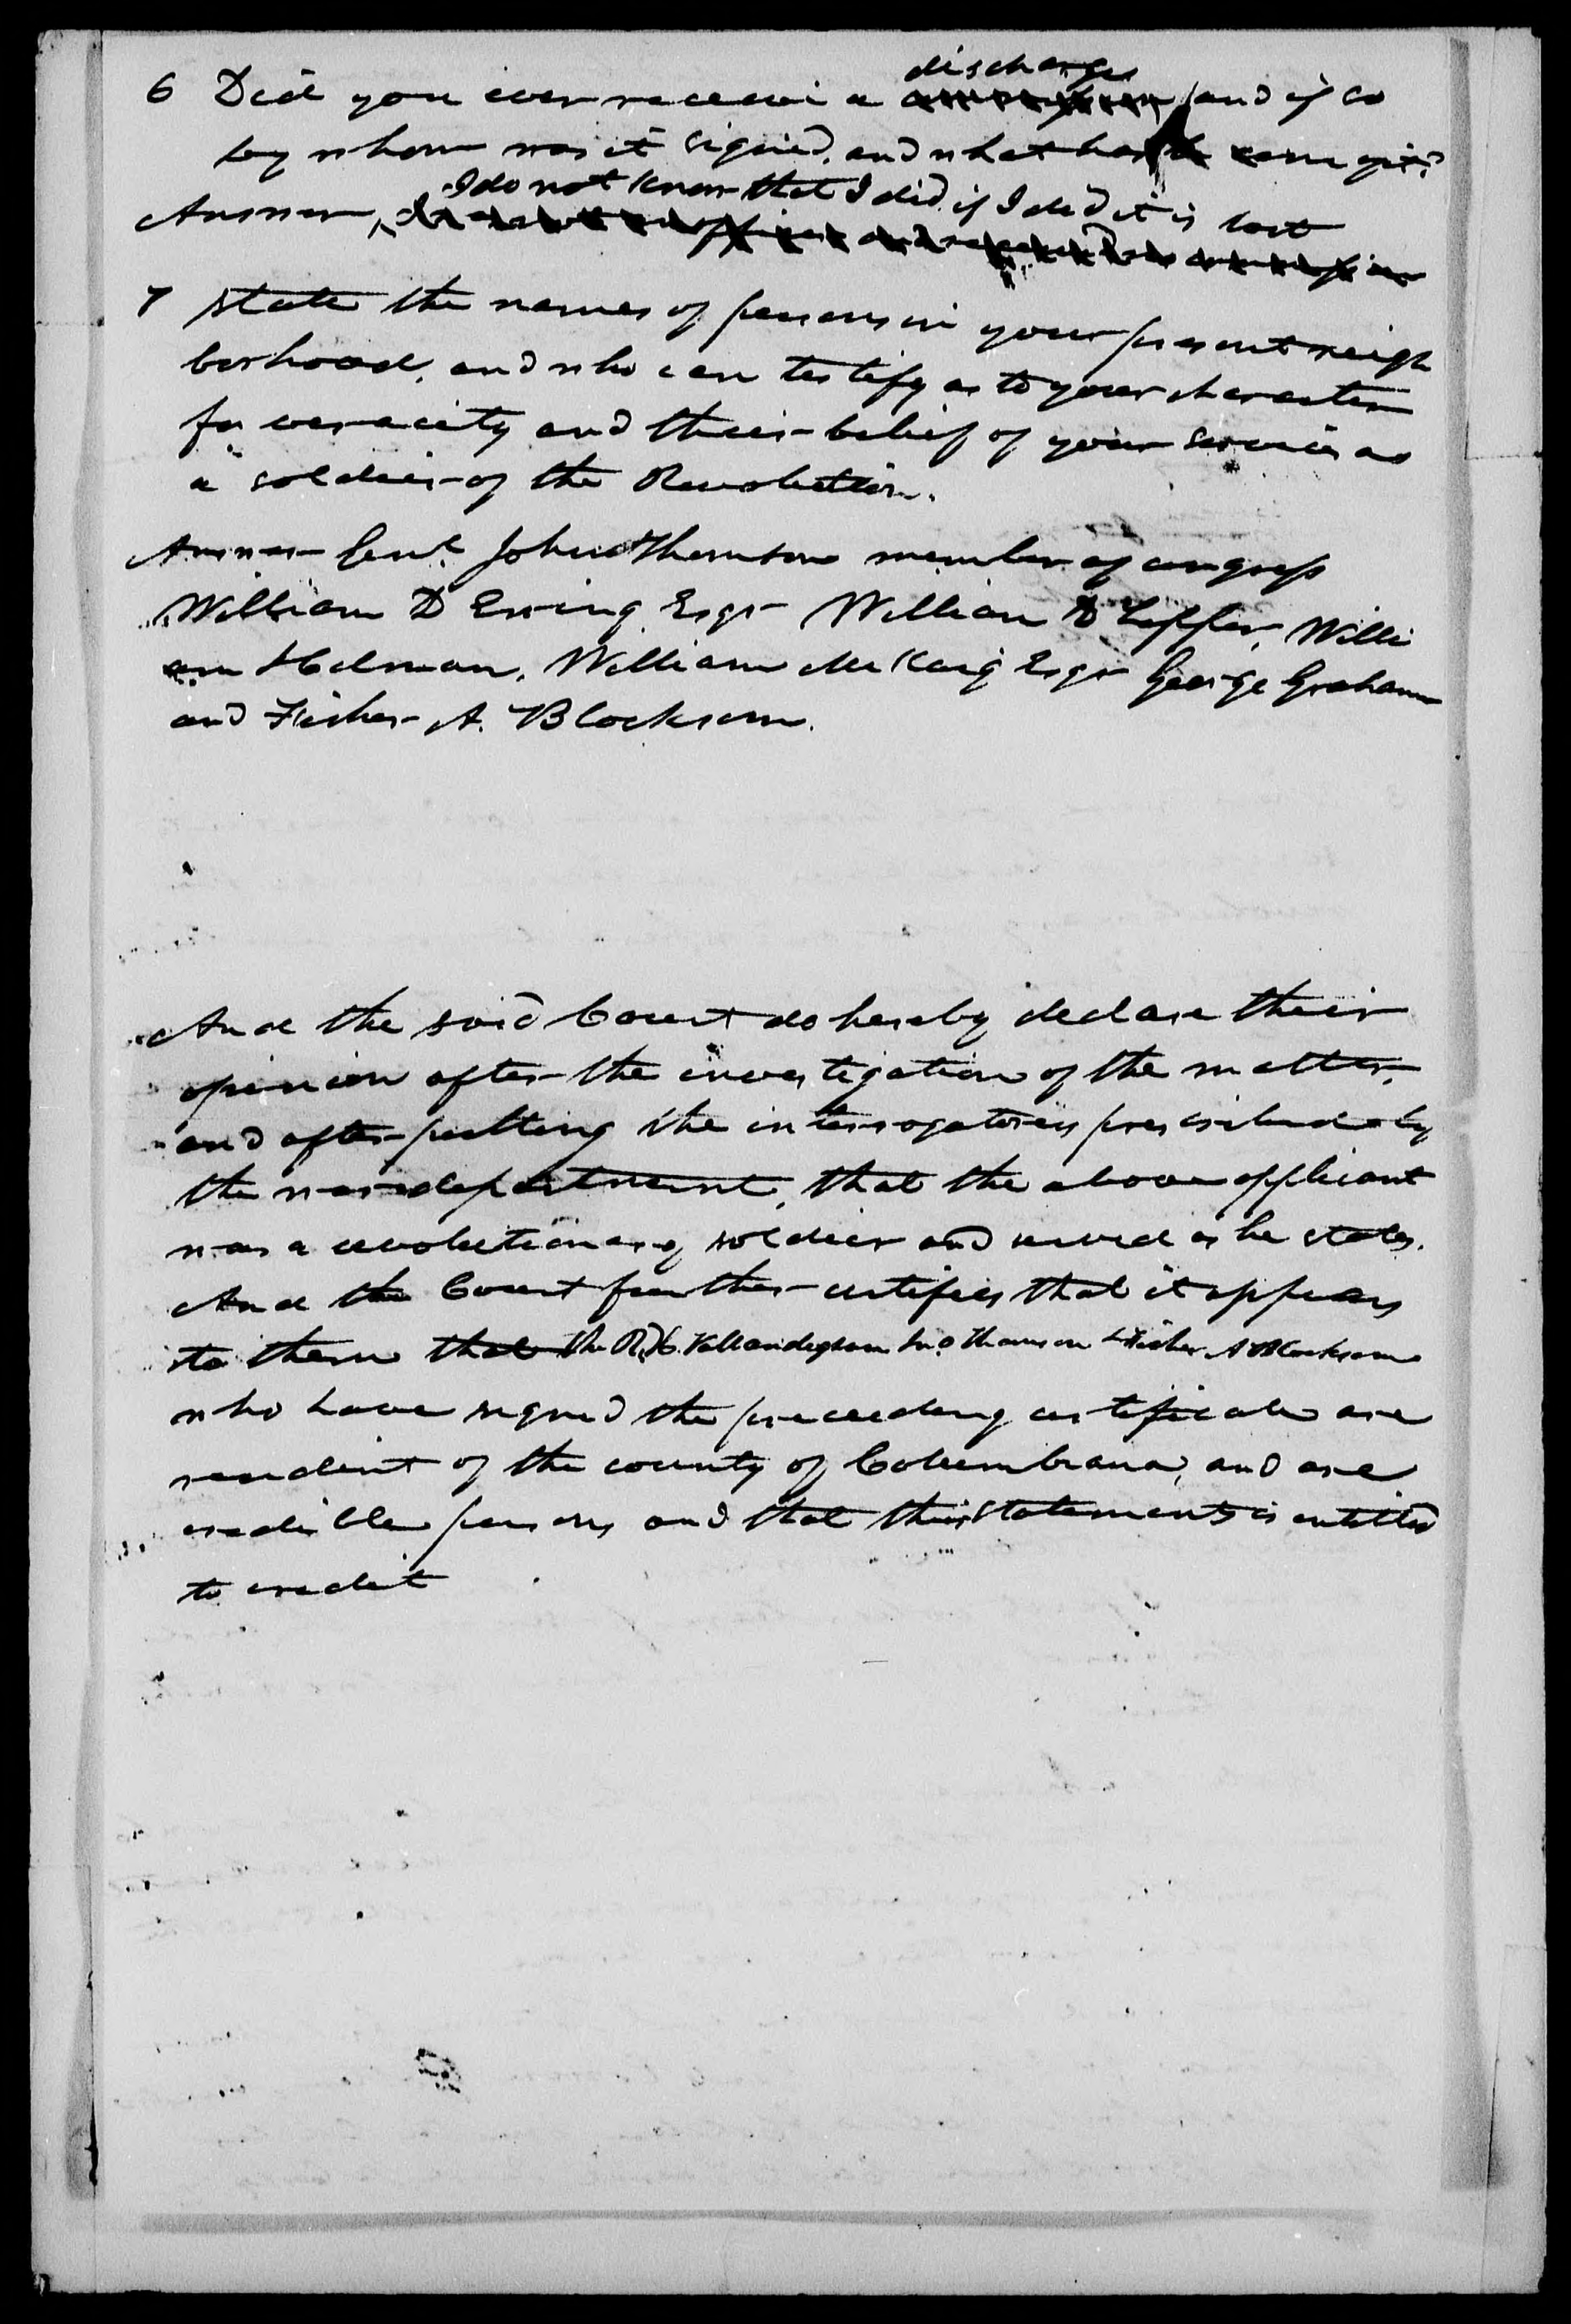6 Did you ever receive a [word crossed out] discharge and if so
by whom was it signed and what became of it?
Answer:  [sentence crossed out] I do not know that I did. If I did it is lost.

7 state the names of persons in your present neighborhood 
and who can testify as to your character
for veracity and their belief of your service as
a soldier of the Revolution.
Answer  Genl John Thomson member of Congress
William D Erwin Esqr William A[?] Lester William
Helman, William McKay Esqr George Graham
and Fisher A. Blockman

And the said Court do hereby declare their
opinion after the investigation of the matter
and after putting the interrogatories prescribed by
the ??? that the above applicant
was a revolutionary soldier and served as he states
And the Court further certifies that it appears
to them that the R. H. Vallandighan Thomson Fisher A Blackson
who have signed the preceding certificate are
resident of the County of Columbiana, and are
credible persons and that their statement is entitled
to credit.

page: 11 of 39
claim: survivor's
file: S. 2812, for David Mc Kinley, Pennsylvania